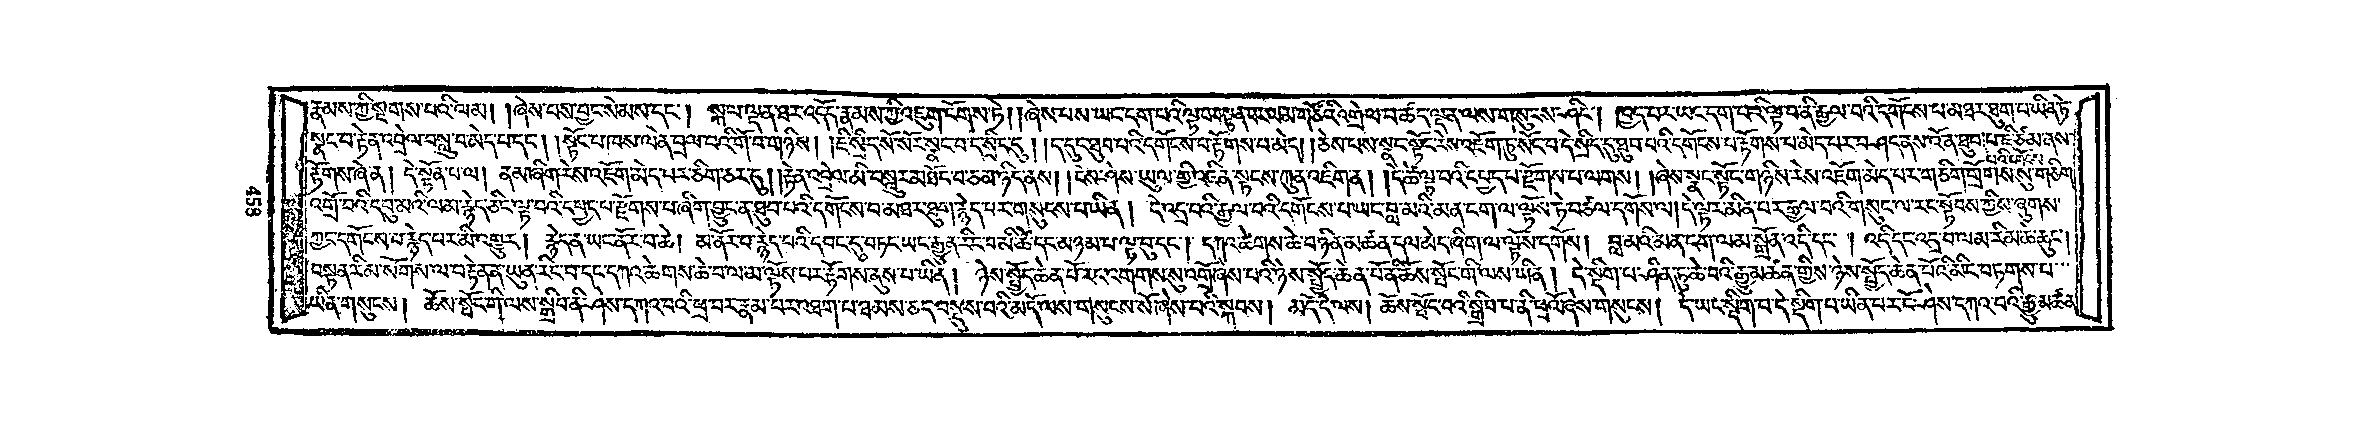རྣམས་ཀྱི་སྔགས་པའི་ལམ། །ཞེས་པས་བྱང་སེམས་དང་། སྐལ་ལྡན་ཐར་འདོད་རྣམས་ཀྱི་འཇུག་ངོགས་ཏེ། །ཞེས་པས་ཡང་དག་པའི་ལྟ་བས་བསྟན་པར་ལམ་གཙོའི་འགྲེལ་བ་ཚད་ལྡན་ལས་གསུངས་ཤིང་། ཁྱད་པར་ཡང་དག་པའི་ལྟ་བ་ནི་རྒྱལ་བའི་དགོངས་པ་མཐར་ཐུག་པ་ཡིན་ཏེ་
སྣང་བ་རྟེན་འབྲེལ་བསླུ་བ་མེད་པ་དང་། །སྟོང་པ་ཁས་ལེན་བྲལ་བའི་གོ་བ་གཉིས། །ཇི་སྲིད་སོ་སོར་སྣང་བ་དེ་སྲིད་དུ། །ད་དུང་ཐུབ་པའི་དགོངས་པ་རྟོགས་པ་མེད། །ཅེས་པས་སྣང་སྟོང་རེས་འཇོག་ཏུ་སོང་བ་དེ་སྲིད་དུ་ཐུབ་པའི་དགོངས་པ་རྟོགས་པ་མེད་པར་བཤད་ནས་འོ་ན་ཐུབ་པའི་དགོངས་པ་ཇི་ཙམ་ནས་
རྟོགས་ཞེ་ན། དེ་སྟོན་པ་ལ། ནམ་ཞིག་རེས་འཇོག་མེད་པར་ཅིག་ཅར་དུ། །རྟེན་འབྲེལ་མི་བསླུར་མཐོང་བ་ཙམ་ཉིད་ནས། །ངེས་ཤེས་ཡུལ་གྱི་འཛིན་སྟངས་ཀུན་འཇིག་ན། །དེ་ཚེ་ལྟ་བའི་དཔྱད་པ་རྫོགས་པ་ལགས། །ཞེས་སྣང་སྟོང་གཉིས་རེས་འཇོག་མེད་པར་གཅིག་གྲོགས་སུ་གཅིག་
འགྲོ་བའི་དབུ་མའི་ལམ་རྙེད་ཅིང་ལྟ་བའི་དཔྱད་པ་རྫོགས་པ་ཞིག་བྱུང་ན་ཐུབ་པའི་དགོངས་པ་མཐར་ཐུབ་རྙེད་པར་གསུངས་པ་ཡིན། དེ་འདྲ་བའི་རྒྱལ་བའི་དགོངས་པ་ཡང་བླ་མའི་མན་ངག་ལ་ལྟོས་ཏེ་བཙལ་དགོས་ལ། དེ་ལྟར་མིན་པར་རྒྱལ་བའི་གསུང་ལ་རང་སྟོབས་ཀྱིས་ཞུགས་
ཀྱང་དགོངས་པ་རྙེད་པར་མི་འགྱུར། རྙེད་ན་ཡང་ནོར་བ་ཆེ། མ་ནོར་བ་རྙེད་པའི་དབང་དུ་བཏང་ཡང་རྒྱུན་རིང་བ་མི་ཚེ་དང་མཉམ་པ་ལྟ་བུ་དང་། དཀའ་ཚེགས་ཆེ་བ་ཉིན་མཚན་དལ་མེད་ཞིག་ལ་ལྟོས་དགོས། བླ་མའི་མན་ངག་ལམ་སྒྲོན་འདི་དང་། འདི་དང་འདྲ་བ་ལམ་རིམ་ཆེ་ཆུང་།
བསྟན་རིམ་སོགས་ལ་བརྟེན་ན་ཡུན་རིང་བ་དང་དཀའ་ཆེགས་ཆེ་བ་ལ་མ་ལྟོས་པར་རྟོགས་ནུས་པ་ཡིན། ཉེས་སྤྱོད་ཆེན་པོ་རང་འགགས་སུ་འགྲོ་ཞེས་པའི་ཉེས་སྤྱོད་ཆེན་པོ་ནི་ཆོས་སྤོང་གི་ལས་ཡིན། དེ་སྡིག་པ་ཤིན་ཏུ་ཆེ་བའི་རྒྱུ་མཚན་གྱིས་ཉེས་སྤྱོད་ཆེན་པོའི་མིང་བཏགས་པ་
ཡིན་གསུངས། ཆོས་སྤོང་གི་ལས་སྒྲིབ་ནི་ཤེས་དཀའ་བའི་ཕྲ་བར་རྣམ་པར་འཐག་པ་ཐམས་ཅད་བསྡུས་པའི་མདོ་ལས་གསུངས་སོ་ཞེས་པའི་སྐབས། མདོ་དེ་ལས། ཆོས་སྤོང་བའི་སྒྲིབ་པ་ནི་ཕྲའོ་ཞེས་གསུངས། དེ་ཡང་སྡིག་པ་དེ་སྡིག་པ་ཡིན་པར་ངོ་ཤེས་དཀའ་བའི་རྒྱུ་མཚན་